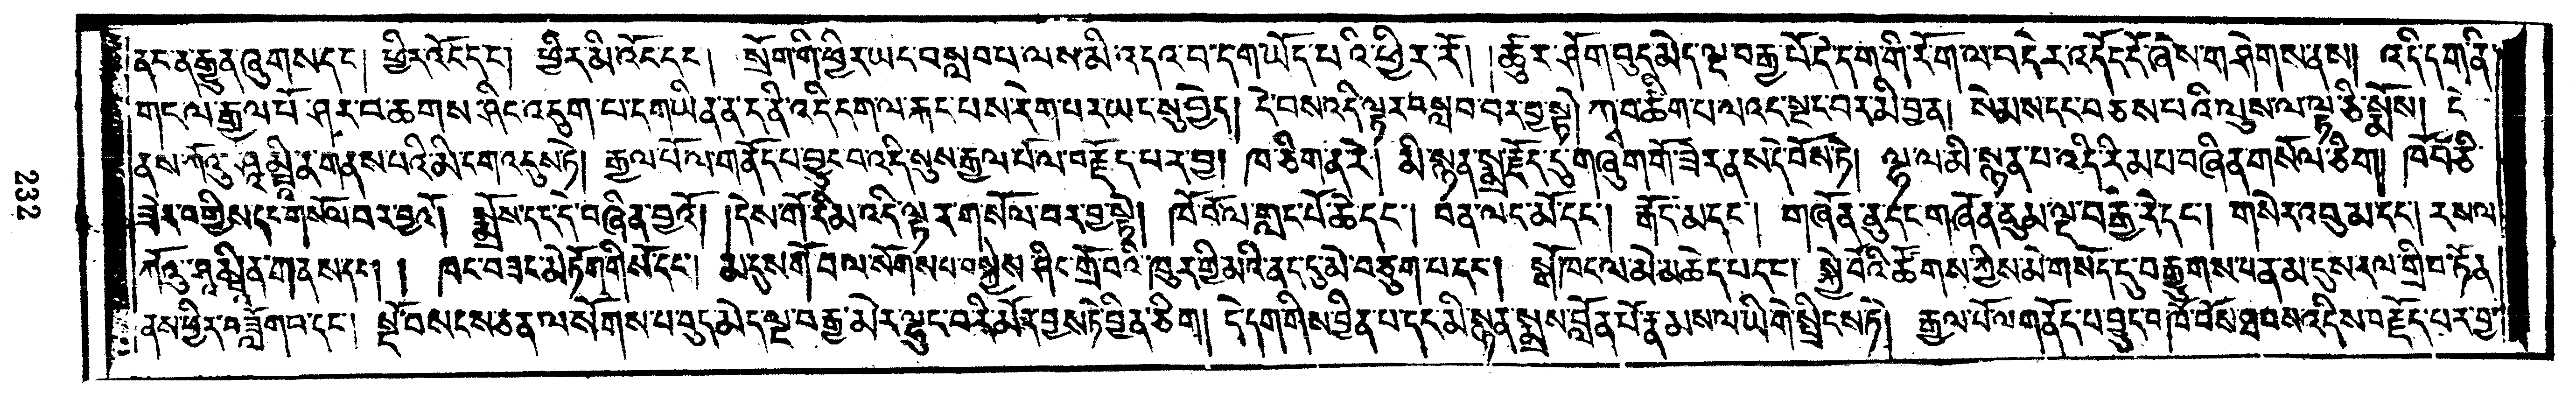ནང་ན་རྒྱུན་ཞུགས་དང་། ཕྱིར་འོང་དང་། ཕྱིར་མི་འོང་དང་། སྲོག་གི་ཕྱིར་ཡང་བསླབ་པ་ལས་མི་འདའ་བ་དག་ཡོད་པའི་ཕྱིར་རོ། །ཚུར་ཤོག་བུད་མེད་ལྔ་བརྒྱ་པོ་དེ་དག་གི་རོ་ག་ལ་བདེར་འདོད་དོ་ཞེས་གཤེགས་ནས། འདི་དག་ནི་
གང་ལ་རྒྱལ་པོ་ཤར་བ་ཆགས་ཤིང་འདུག་པ་དག་ཡིན་ན་ད་ནི་འདི་དག་ལ་རྐང་པས་རེག་པར་ཡང་སུ་བྱེད། དེ་བས་འདི་ལྟར་བསླབ་བར་བྱ་སྟེ། ཀྭ་བ་ཚིག་པ་ལའང་སྡང་བར་མི་བྱ་ན། སེམས་དང་བཅས་པའི་ལུས་ལ་ལྟ་ཅི་སྨོས། དེ་
ནས་ཀོའུ་ཤཱམྦཱི་ན་གནས་པའི་མི་དག་འདུས་ཏེ། རྒྱལ་པོ་ལ་གནོད་པ་བྱུང་བ་འདི་སུས་རྒྱལ་པོ་ལ་བརྗོད་པར་བྱ། ཁ་ཅིག་ན་རེ། མི་སྙན་སྨྲ་རྗོད་དུ་གཞུག་གོ་ཟེར་ནས་དེ་བོས་ཏེ། ལྷ་ལ་མི་སྙན་པ་འདི་རིམ་པ་བཞིན་གསོལ་ཅིག། ཁོ་བོ་ཅི་
ཟེར་བགྱིས་དང་གསོལ་བར་བྱའོ། སྨྲོས་དང་དེ་བཞིན་བྱའོ། །དེས་གོ་རིམ་འདི་ལྟར་གསོལ་བར་བྱ་སྟེ། ཁོ་བོ་ལ་གླང་པོ་ཆེ་དང་། བན་ལང་མོ་དང་། རྒོད་མ་དང་། གཞོན་ནུ་དང་གཞོན་ནུ་མ་ལྔ་བརྒྱ་རེ་དང་། གསེར་འབུམ་དང་། རས་ལ་
ཀོའུ་ཤཱམྦཱིན་གནས་དང་། །ཁང་བཟང་མེ་ཏོག་གི་སོ་དང་། མ་དུས་གོ་བལ་སོགས་པ་བསྐྱེས་ཤིང་གྲོ་བའི་ཁུར་གྱི་མའི་ནང་དུ་མེ་བཅུག་པ་དང་། སྒོ་ཁང་ལ་མེ་མཆེད་པ་དང་། སྐྱེ་བོའི་ཚོགས་ཀྱིས་མེ་གསོད་དུ་བརྒྱུགས་པ་ན་མ་དུས་རལ་གྲིབ་ཏོན་
ནས་ཕྱིར་བཟློག་བ་དང་། སྔོ་བསངས་ཅན་ལ་སོགས་པ་བུད་མེད་ལྔ་བརྒྱ་མེར་ལྷུང་བ་རི་མོར་བྱས་ཏེ་བྱིན་ཅིག། དེ་དག་གིས་བྱིན་པ་དང་མི་སྙན་སྨྲས་བློན་པོ་རྣམས་ལ་ཡི་གེ་སྤྲིངས་ཏེ། རྒྱལ་པོ་ལ་གནོད་པ་བྱུང་བ་ཁོ་བོས་ཐབས་འདིས་བརྗོད་པར་བྱ་